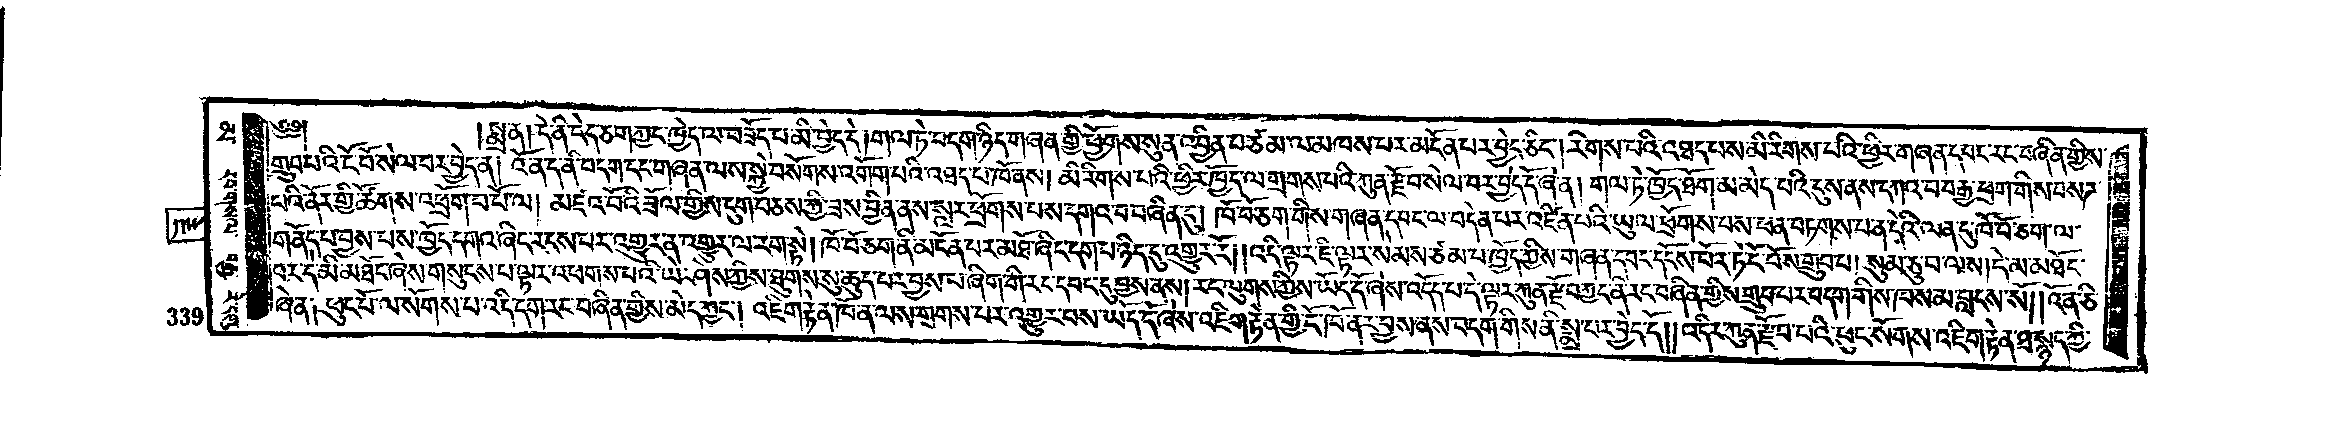༄༅། །སྨྲ་ན། ད་ནི་ངེད་ཅག་ཀྱང་ཁྱེད་ལ་བཟོད་པ་མི་བྱེད་དེ། གལ་ཏེ་བདག་ཉིད་གཞན་གྱི་ཕྱོགས་སུན་འབྱིན་པ་ཙམ་ལ་མཁས་པར་མངོན་པར་བྱེད་ཅིང་། རིགས་པའི་འཐད་པས་མི་རིགས་པའི་ཕྱིར་གཞན་དབང་རང་བཞིན་གྱིས་
གྲུབ་པའི་ངོ་བོ་སེལ་བར་བྱེད་ན། འོ་ན་ད་ནི་བདག་དང་གཞན་ལས་སྐྱེ་བ་སོགས་འགོག་པའི་འཐད་པ་ཁོ་ནས། མི་རིགས་པའི་ཕྱིར་ཁྱོད་ལ་གྲགས་པའི་ཀུན་རྫོབ་སེལ་བར་བྱེད་དོ་ཞེ་ན། གལ་ཏེ་ཁྱོད་ཐོག་མ་མེད་པའི་དུས་ནས་དཀའ་བ་བརྒྱ་ཕྲག་གིས་བསགས་
པའི་ནོར་གྱི་ཚོགས་འཕྲོག་པ་པོ་ལ། མཛའ་བོའི་ཟོལ་གྱིས་དུག་བཅས་ཀྱི་ཟས་བྱིན་ནས་སླར་ཕྲོགས་པས་དགའ་བ་བཞིན་དུ། ཁོ་བོ་ཅག་གིས་གཞན་དབང་ལ་བདེན་པར་འཛིན་པའི་ཡུལ་ཕྲོགས་པས་ཕན་བཏགས་པ་ན་དེའི་ལན་དུ་ཁོ་བོ་ཅག་ལ་
གནོད་པ་བྱས་པས་ཁྱོད་དགའ་ཞིང་རངས་པར་འགྱུར་ན་འགྱུར་ལ་རག་སྟེ། ཁོ་བོ་ཅག་ནི་མངོན་པར་མཐོ་ཞིང་དག་པ་ཉིད་དུ་འགྱུར་རོ། །འདི་ལྟར་ཇི་ལྟར་སེམས་ཙམ་པ་ཁྱོད་ཀྱིས་གཞན་དབང་དངོས་པོར་ཏེ་ངོ་བོས་གྲུབ་པ། སུམ་ཅུ་བ་ལས། དེ་མ་མཐོང་
བར་དེ་མི་མཐོང་ཞེས་གསུངས་པ་ལྟར་འཕགས་པའི་ཡེ་ཤེས་ཀྱིས་ཐུགས་སུ་ཆུད་པར་བྱས་པ་ཞིག་གི་རང་དབང་དུ་བྱས་ནས། རང་ལུགས་ཀྱིས་ཡོད་དོ་ཞེས་འདོད་པ་དེ་ལྟར་ཀུན་རྫོབ་ཀྱང་ནི་རང་བཞིན་གྱིས་གྲུབ་པར་བདག་གིས་ཁས་མ་བླངས་སོ། །འོ་ན་ཅི་
ཞེ་ན། ཕུང་པོ་ལ་སོགས་པ་འདི་དག་རང་བཞིན་གྱིས་མེད་ཀྱང་། འཇིག་རྟེན་ཁོ་ན་ལས་གྲགས་པར་འགྱུར་བས་ཡོད་དོ་ཞེས་འཇིག་རྟེན་གྱི་ངོ་ཁོ་ནར་བྱས་ནས་བདག་གིས་ནི་སྨྲ་བར་བྱེད་དོ། །འདིར་ཀུན་རྫོབ་པའི་ཕུང་སོགས་འཇིག་རྟེན་ཐ་སྙད་ཀྱི་